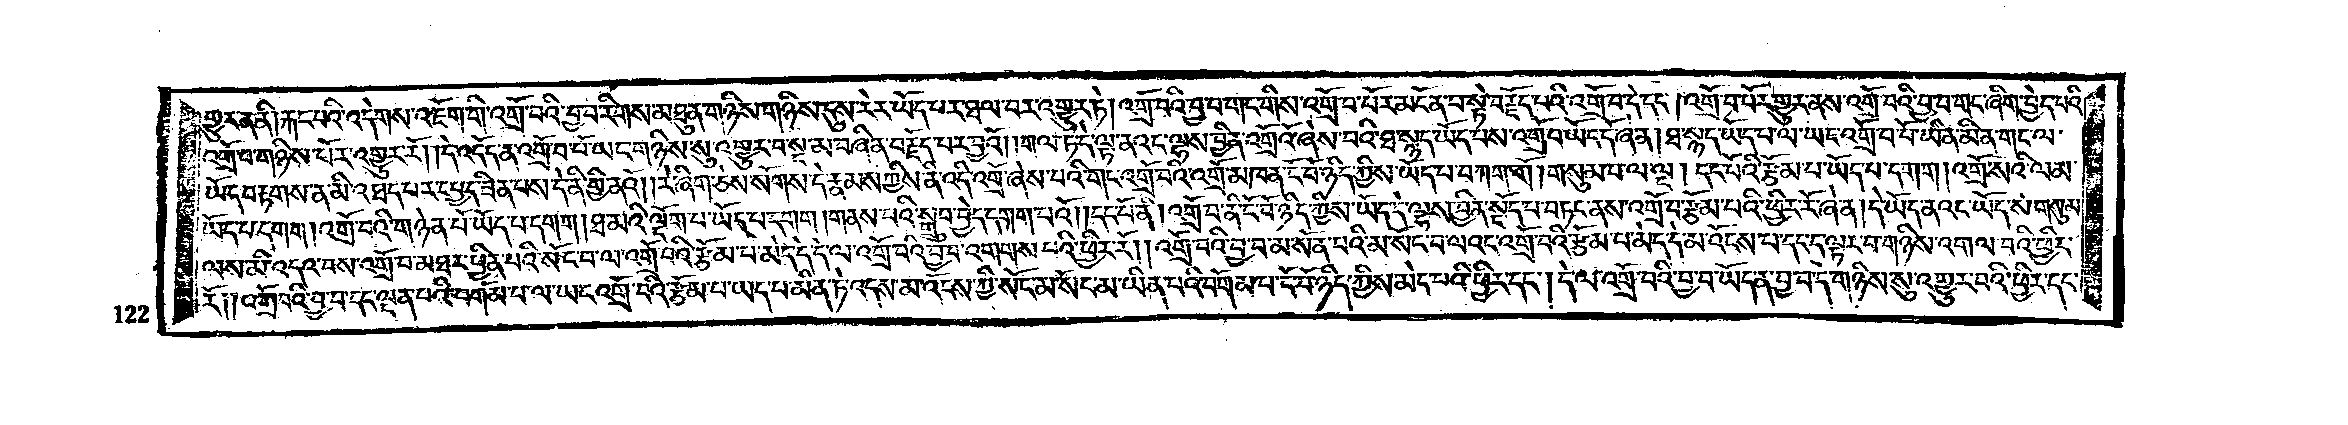གྱུར་ན་ནི། རྐང་པའི་འདེགས་འཇོག་གི་འགྲོ་བའི་བྱ་བ་རིགས་མཐུན་གཉིས་གཉིས་དུས་རེར་ཡོད་པར་ཐལ་བར་འགྱུར་ཏེ། འགྲོ་བའི་བྱ་བ་གང་གིས་འགྲོ་བ་པོར་མངོན་པ་སྟེ་བརྗོད་པའི་འགྲོ་བ་དེ་དང་། འགྲོ་བ་པོར་གྱུར་ནས་འགྲོ་བའི་བྱ་བ་གང་ཞིག་བྱེད་པའི་
འགྲོ་བ་གཉིས་པོར་འགྱུར་རོ། །དེ་འདོད་ན་འགྲོ་བ་པོ་ཡང་གཉིས་སུ་འགྱུར་བ་སྔ་མ་བཞིན་བརྗོད་པར་བྱའོ། །གལ་ཏེ་དེ་ལྟ་ནའང་ལྷས་བྱིན་འགྲོའོ་ཞེས་པའི་ཐ་སྙད་ཡོད་པས་འགྲོ་བ་ཡོད་དོ་ཞེ་ན། ཐ་སྙད་ཡོད་པ་ལ་ཡང་འགྲོ་བ་པོ་ཡིན་མིན་གང་ལ་
ཡོད་བརྟགས་ན་མི་འཐད་པར་དཔྱད་ཟིན་པས་དེ་ནི་གྱི་ནའོ། །རེ་ཞིག་ཅེས་སོགས་དེ་རྣམས་ཀྱིས་ནི་འདི་འགྲོ་ཞེས་པའི་གང་འགྲོ་བའི་འགྲོ་མཁན་ངོ་བོ་ཉིད་ཀྱིས་ཡོད་པ་བཀག་ག། གསུམ་པ་ལ་ལྔ། དང་པོའི་རྩོམ་པ་ཡོད་པ་དགག། འགྲོ་སའི་ལམ་
ཡོད་པ་དགག། འགྲོ་བའི་གཉེན་པོ་ཡོད་པ་དགག། ཐ་མའི་ལྡོག་པ་ཡོད་པ་དགག། གནས་པའི་སྒྲུབ་བྱེད་དགག་པའོ། །དང་པོ་ནི། འགྲོ་བ་ནི་ངོ་བོ་ཉི་ཀྱིས་ཡོད་དེ་ལྷས་བྱིན་སྡོད་པ་བཏང་ནས་འགྲོ་བ་རྩོམ་པའི་ཕྱིར་རོ་ཞེ་ན། དེ་ཡོད་ནའང་ཡོད་ས་གསུམ་
ལས་མི་འདའ་བས་འགྲོ་བ་མཐར་ཕྱིན་པའི་སོང་པ་ལ་འགྲོ་བའི་རྩོམ་པ་མེད་དེ་དེ་ལ་འགྲོ་བའི་བྱ་བ་འགགས་པའི་ཕྱིར་རོ། །འགྲོ་བའི་བྱ་བ་མ་སོན་པའི་མ་སོང་བ་ལའང་འགྲོ་བའི་རྩོམ་པ་མེད་དེ་མ་འོངས་པ་དང་ད་ལྟར་བ་གཉིས་འགལ་བའི་ཕྱིར་
རོ༑ ༑འགྲོ་བའི་བྱ་བ་དང་ལྡན་པའི་བགོམ་པ་ལ་ཡང་འགྲོ་བའི་རྩོམ་པ་ཡོད་པ་མིན་ཏེ་འདས་མ་འོངས་ཀྱི་སོང་མ་སོང་མ་ཡིན་པའི་བགོམ་པ་ངོ་བོ་ཉིད་ཀྱིས་མེད་པའི་ཕྱིར་དང་། དེ་ལ་འགྲོ་བའི་བྱ་བ་ཡོད་ན་བྱ་བ་དེ་གཉིས་སུ་འགྱུར་བའི་ཕྱིར་དང་